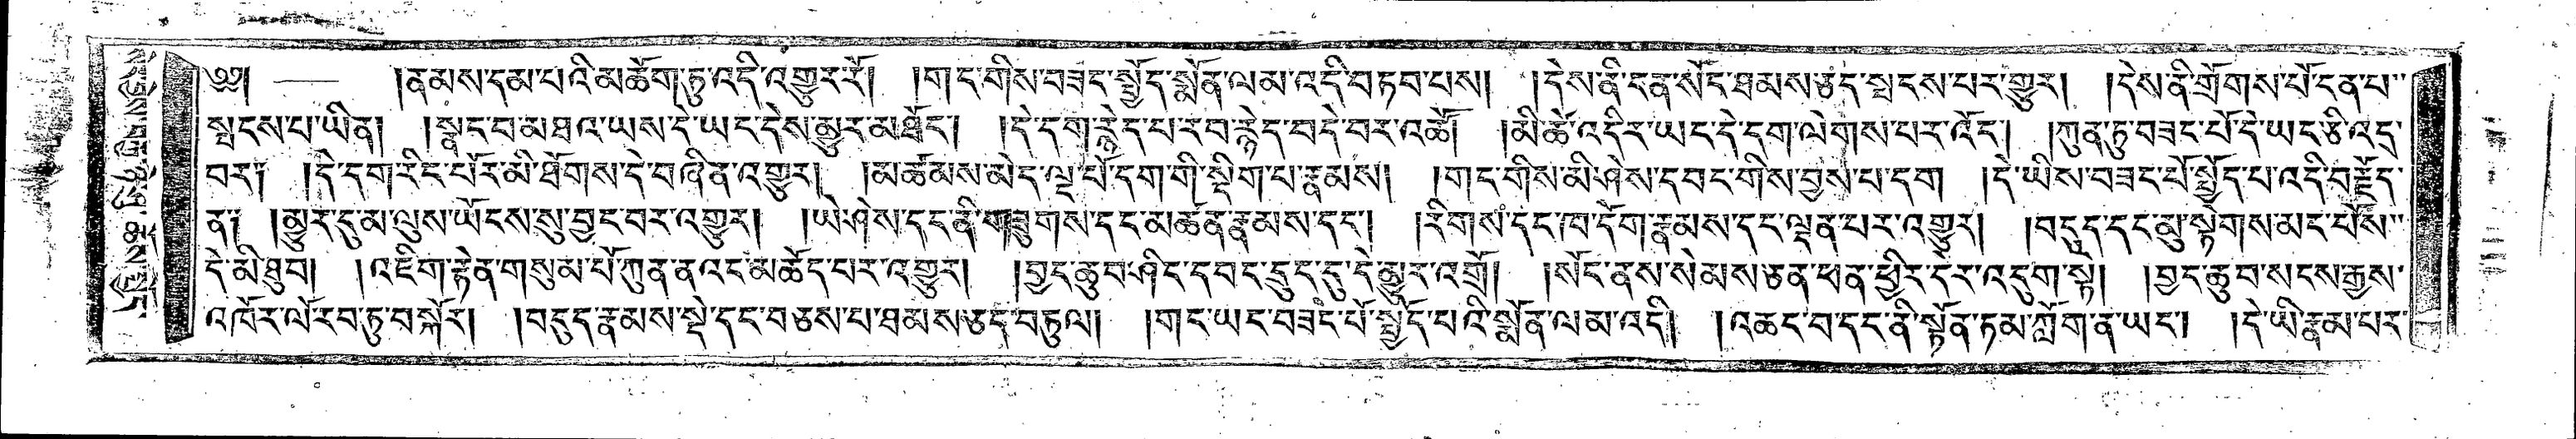༄༅། །ནམས་དམ་པའི་མཆོག་ཏུ་འདི་འགྱུར་རོ། །གང་གིས་བཟང་སྤྱོད་སྨོན་ལམ་འདི་བཏབ་པས། །དེས་ནི་ངན་སོང་ཐམས་ཅད་སྤངས་པར་གྱུར། །དེས་ནི་གྲོགས་པོ་ངན་པ་
སྤངས་པ་ཡིན། །སྣང་བ་མཐའ་ཡས་དེ་ཡང་དེས་མྱུར་མཐོང་། །དེ་དག་རྙེད་པ་རབ་རྙེད་བདེ་བར་འཚོ། །མི་ཚེ་འདིར་ཡང་དེ་དག་ལེགས་པར་འོང་། །ཀུན་ཏུ་བཟང་པོ་དེ་ཡང་ཅི་འདྲ་
བར༑ །དེ་དག་རིང་པོར་མི་ཐོགས་དེ་བཞིན་འགྱུར། །མཚམས་མེད་ལྔ་པོ་དག་གི་སྡིག་པ་རྣམས། །གང་གིས་མི་ཤེས་དབང་གིས་བྱས་པ་དག །དེ་ཡིས་བཟང་པོ་སྤྱོད་པ་འདི་བརྗོད་
ན༑ །མྱུར་དུ་མ་ལུས་ཡོངས་སུ་བྱང་བར་འགྱུར། །ཡེ་ཤེས་དང་ནི་གཟུགས་དང་མཚན་རྣམས་དང་། །རིགས་དང་ཁ་དོག་རྣམས་དང་ལྡན་པར་འགྱུར། །བདུད་དང་མུ་སྟེགས་མང་པོས་
དེ་མི་ཐུབ། །འཇིག་རྟེན་གསུམ་པོ་ཀུན་ནའང་མཆོད་པར་འགྱུར། །བྱང་ཆུབ་ཤིང་དབང་དྲུང་དུ་དེ་མྱུར་འགྲོ། །སོང་ནས་སེམས་ཅན་ཕན་ཕྱིར་དེར་འདུག་སྟེ། །བྱང་ཆུབ་སངས་རྒྱས་
འཁོར་ལོ་རབ་ཏུ་བསྐོར། །བདུད་རྣམས་སྡེ་དང་བཅས་པ་ཐམས་ཅད་བཏུལ། །གང་ཡང་བཟང་པོ་སྤྱོད་པའི་སྨོན་ལམ་འདི། །འཆང་བ་དང་ནི་སྟོན་ཏམ་ཀློག་ན་ཡང་། །དེ་ཡི་རྣམ་པར་